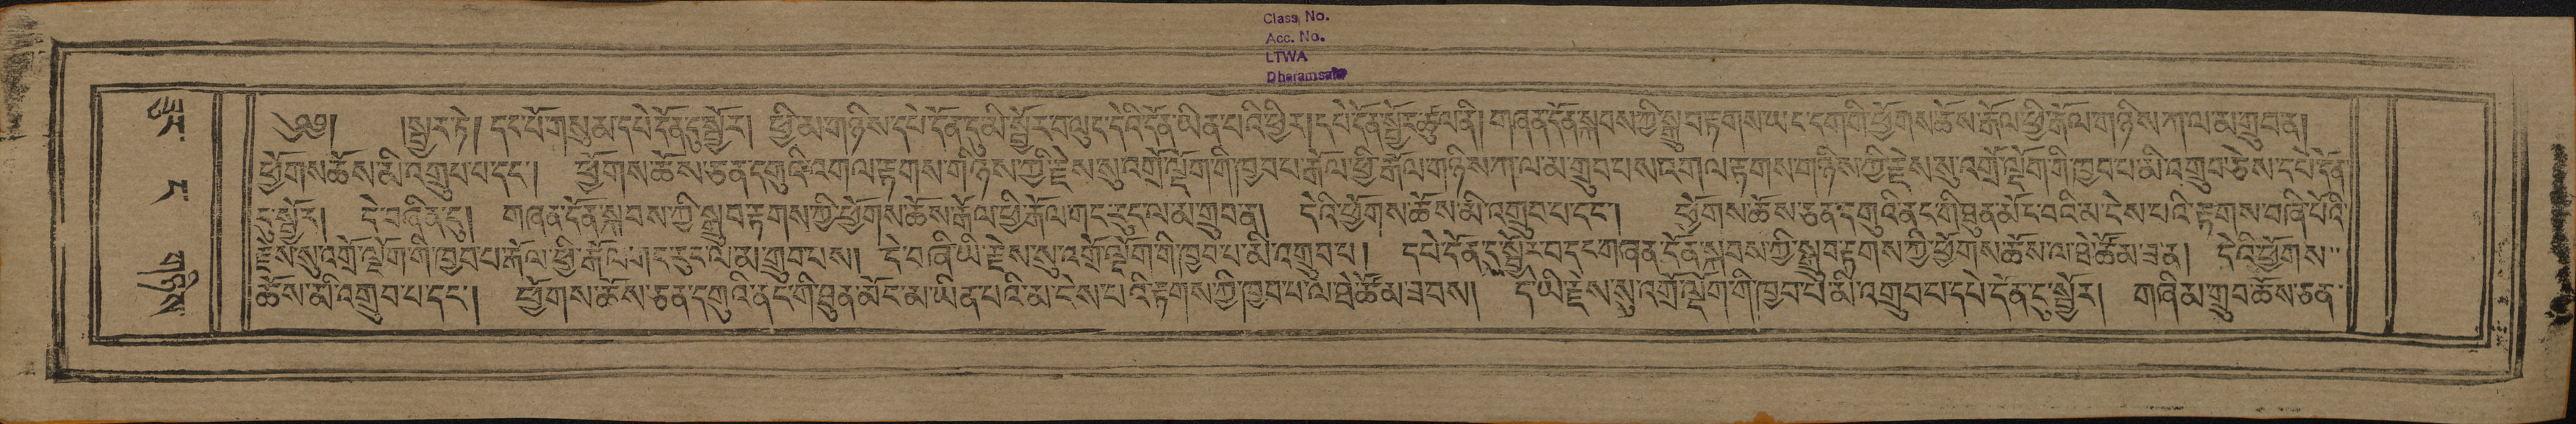༄༅། །སྦྱར་ཏེ། དང་པོ་གསུམ་དཔེ་དོན་དུ་སྦྱོར། ཕྱི་མ་གཉིས་དཔེ་དོན་དུ་མི་སྦྱོར་བ་ལུང་དེའི་དོན་ཡིན་པའི་ཕྱིར། དཔེ་དོན་སྦྱོར་ཚུལ་ནི། གཞན་དོན་སྐབས་ཀྱི་སྒྲུབ་རྟགས་ཡང་དག་གི་ཕྱོགས་ཆོས་རྒོལ་ཕྱི་རྒོལ་གཉིས་ཀ་ལ་མ་གྲུབ་ན།
ཕྱོགས་ཆོས་མི་འགྲུབ་པ་དང་། ཕྱོགས་ཆོས་ཅན་དགུའི་འགལ་རྟགས་གཉིས་ཀྱི་རྗེས་སུ་འགྲོ་ལྡོག་གི་ཁྱབ་པ་རྒོལ་ཕྱི་རྒོལ་གཉིས་ཀ་ལ་མ་གྲུབ་པས་འགལ་རྟགས་གཉིས་ཀྱི་རྗེས་སུ་འགྲོ་ལྡོག་གི་ཁྱབ་པ་མི་འགྲུབ་ཅེས་དཔེ་དོན་
དུ་སྦྱོར། དེ་བཞིན་དུ། གཞན་དོན་སྐབས་ཀྱི་སྒྲུབ་རྟགས་ཀྱི་ཕྱོགས་ཆོས་རྒོལ་ཕྱི་རྒོལ་གང་རུང་ལ་མ་གྲུབ་ན། དེའི་ཕྱོགས་ཆོས་མི་འགྲུབ་པ་དང་། ཕྱོགས་ཆོས་ཅན་དགུའི་ནང་གི་ཐུན་མོང་བའི་མ་ངེས་པའི་རྟགས་བཞི་པོའི་
རྗེས་སུ་འགྲོ་ལྡོག་གི་ཁྱབ་པ་རྒོལ་ཕྱི་རྒོལ་གང་རུང་ལ་མ་གྲུབ་པས། དེ་བཞི་ཡི་རྗེས་སུ་འགྲོ་ལྡོག་གི་ཁྱབ་པ་མི་འགྲུབ་པ། དཔེ་དོན་དུ་སྦྱོར་བ་དང་གཞན་དོན་སྐབས་ཀྱི་སྒྲུབ་རྟགས་ཀྱི་ཕྱོགས་ཆོས་ལ་ཐེ་ཚོམ་ཟ་ན། དེའི་ཕྱོགས་
ཆོས་མི་འགྲུབ་པ་དང་། ཕྱོགས་ཆོས་ཅན་དགུའི་ནང་གི་ཐུན་མོང་མ་ཡིན་པའི་མ་ངེས་པའི་རྟགས་ཀྱི་ཁྱབ་པ་ལ་ཐེ་ཚོམ་ཟ་བས། དེ་ཡི་རྗེས་སུ་འགྲོ་ལྡོག་གི་ཁྱབ་པ་མི་འགྲུབ་པ་དཔེ་དོན་དུ་སྦྱོར། གཞི་མ་གྲུབ་ཆོས་ཅན་